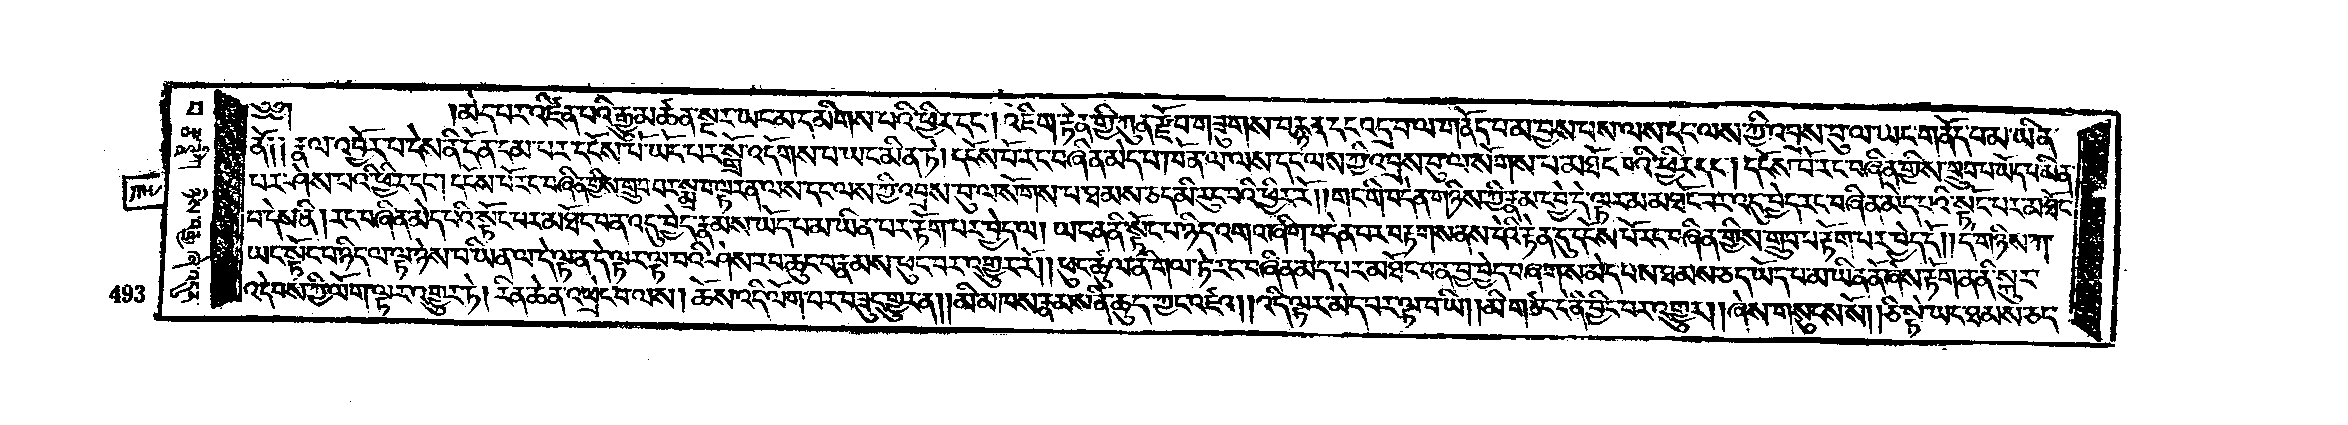༄༅། །མེད་པར་འཛིན་པའི་རྒྱུ་མཚོན་སྔར་ཡང་མ་དམིགས་པའི་ཕྱིར་དང་། འཇིག་རྟེན་གྱི་ཀུན་རྫོབ་གཟུགས་བརྙེན་དང་འདྲ་བ་ལ་གནོད་པ་མ་བྱས་པས་ལས་དང་ལས་ཀྱི་འབྲས་བུ་ལ་ཡང་གནོད་པ་མ་ཡིན་
ནོ། །རྣལ་འབྱོར་པ་དེས་ནི་དོན་དམ་པར་དངོས་པོ་ཡོང་པར་སྒྲོ་འདོགས་པ་ཡང་མིན་ཏེ། དངོས་པོ་རང་བཞིན་མེད་པ་ཁོ་ན་ལ་ལས་དང་ལས་ཀྱི་འབྲས་བུ་ལ་སོགས་པ་མཐོང་བའི་ཕྱིར་དང་། དངོས་པོ་རང་བཞིན་གྱིས་གྲུབ་པ་ཡོད་པ་ཡིན་
པར་ཤེས་པའི་ཕྱིར་དང་། དངོས་པོ་རང་བཞིན་གྱིས་གྲུབ་པར་སྨྲ་བ་ལྟར་ན་ལས་དང་ལས་ཀྱི་འབྲས་བུ་ལ་སོགས་པ་ཐམས་ཅད་མི་རུང་བའི་ཕྱིར་རོ། །གང་གི་བདེན་གཉིས་ཀྱི་རྣམ་དབྱེ་དེ་ལྟར་མ་མཐོང་བར་འདུ་བྱེད་རང་བཞིན་མེད་པའི་སྟོང་པར་མཐོང་
པ་དེས་ནི། རང་བཞིན་མེད་པའི་སྟོང་པར་མཐོང་བ་ན་འདུ་བྱེད་རྣམས་ཡོད་པ་མ་ཡིན་པར་རྟོག་པར་བྱེད་ལ། ཡང་ན་ནི་སྟོང་པ་ཉིད་འགའ་ཞིག་བདེན་པར་བརྟགས་ནས་དེའི་རྟེན་དུ་དངོས་པོ་རང་བཞིན་གྱིས་གྲུབ་པ་རྟོག་པར་བྱེད་དོ། །དེ་གཉིས་ཀ་
ཡང་སྟོང་པ་ཉིད་ལ་ལྟ་ཉེས་པ་ཡིན་ལ་དེ་ལྟ་ན་དེ་ལྟར་ལྟ་བའི་ཤེས་རབ་ཆུང་བ་རྣམས་ཕུང་པར་འགྱུར་རོ། །ཕུང་ཚུལ་ནི་གལ་ཏེ་རང་བཞིན་མེད་པར་མཐོང་བ་ན་བྱ་བྱེད་བཞགས་མེད་པས་ཐམས་ཅད་ཡོད་པ་མ་ཡིན་ནོ་ཞེས་རྟོག་ན་ནི་སྐུར་
འདེབས་ཀྱི་ལོག་ལྟར་འགྱུར་ཏེ། རིན་ཆེན་འཕྲེང་བ་ལས། ཆོས་འདི་ལོག་པར་བཟུང་གྱུར་ན། །མི་མཁས་རྣམས་ནི་ཆུད་ཀྱང་འཛའ། །འདི་ལྟར་མེད་པར་ལྟ་བ་ཡི། །མི་གཙང་དེ་ནི་བྱིང་པར་འགྱུར། །ཞེས་གསུངས་སོ། །ཅི་སྟེ་ཡང་ཐམས་ཅད་